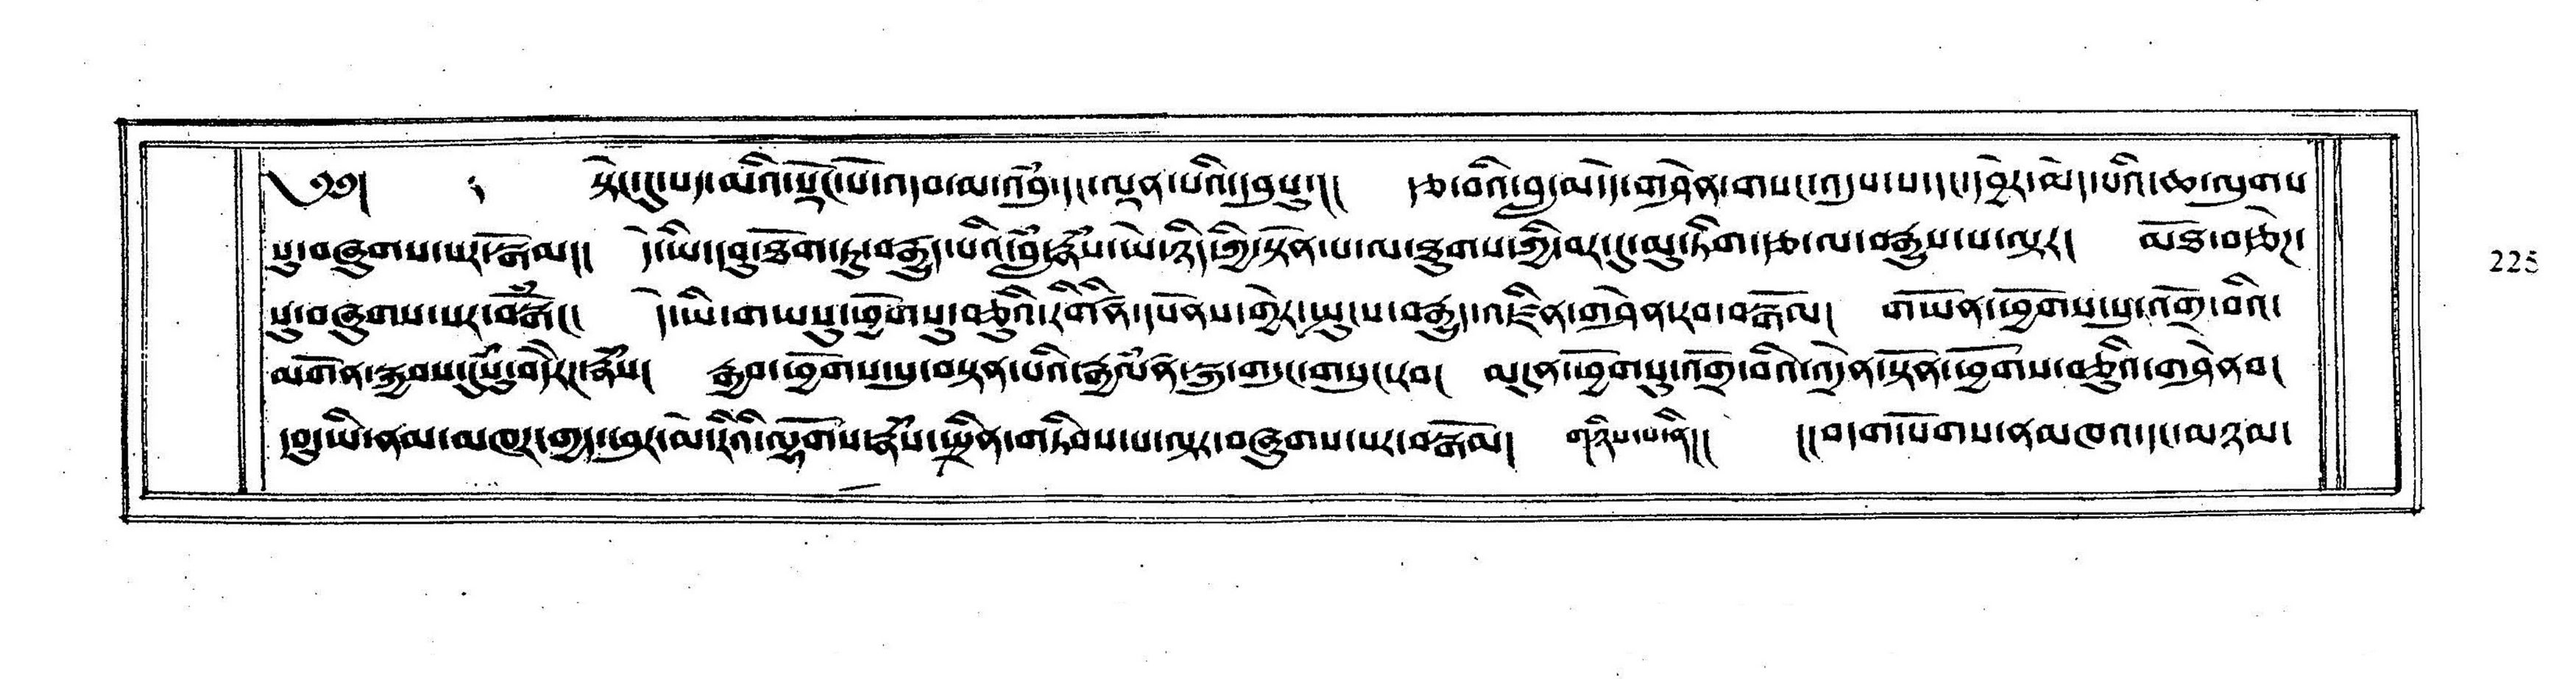སྟེང་དུ་པད་མའི་སྡོང་པོ་འདབ་མ་འབུམ་དང་ལྡན་པའི་དབུས་སུ།། རྩ་བའི་བླ་མ་དེ་གཤེན་གསང་འདུས་པ་དང་དབྱེར་མེད་པའི་ཆ་ལུགས་
སུ་བཞུགས་པར་སྒོམ།། དེ་ཡི་དབུ་ཐོག་ཏུ་བརྒྱུད་པའི་བླ་མ་རྣམས་ཡེ་ཉིད་ཀྱི་སྟོན་པ་ལ་ཐུག་གི་བར་དུ་མུ་ཏིག་རྩ་ལ་བརྒྱུས་པ་ལྟར། མཐོ་བརྩེགས་
སུ་བཞུགས་པར་བསྒོམ།། དེ་ཡི་གཡས་སུ་ཕྱོགས་སུ་བཅུའི་རིག་འཛིན་དཔོན་གསས་གྱེར་སྤུངས་བརྒྱུད་འཛིན་གཤེན་རབ་བསྒོམ། གཡོན་ཕྱོགས་སུ་འགྲོ་བའི་
མགོན་སྐྱབས་དུས་གསུམ་བདེར་གཤེགས་རྣམས། རྒྱབ་ཕྱོགས་སུ་བསྟན་པའི་རྒྱལ་མཚན་སྐུ་གདུང་གསུང་རབ། མདུན་ཕྱོགས་སུ་འགྲོ་བའི་འདྲེན་སྟོན་ཕྱོགས་བཅུའི་གཤེན་རབ། 
དབུ་ཡི་ནམ་མཁར་གྱད་ཕུར་མེ་རིའི་ལྷ་ཚོགས་རྣམས་སྤྲིན་གཏིབས་པ་ལྟར་བཞུགས་པར་བསྒོམ། གཉིས་པ་ནི།། །།བདག་སོགས་ནམ་མཁའ་དང་མཉམ་